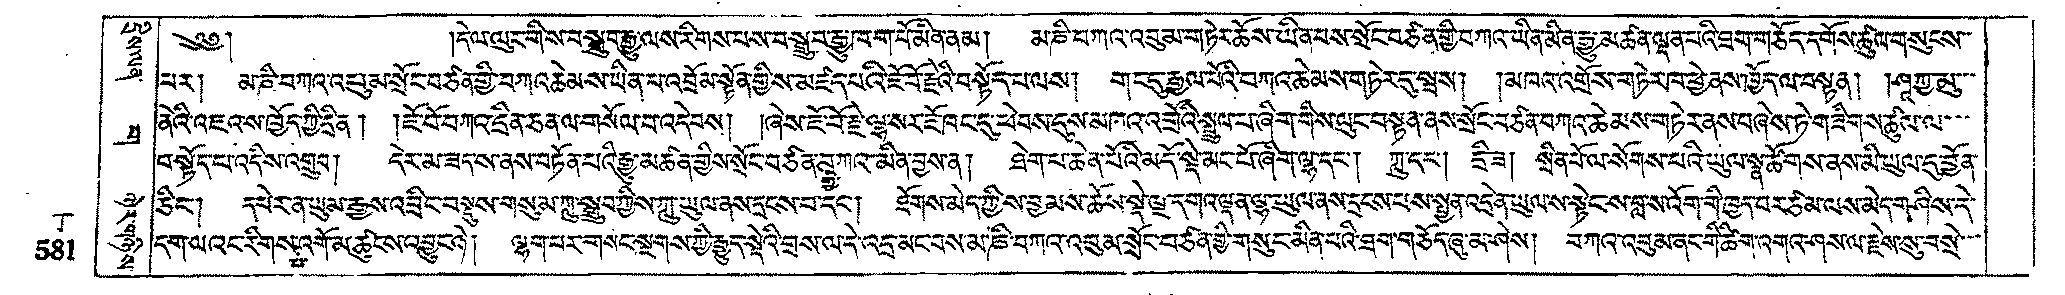༄༅། །དེ་ལ་ལུང་གིས་བསྒྲུབ་རྒྱུ་ལས་རིགས་པས་བསྒྲུབ་རྒྱུ་ཁག་པོ་མིན་ནམ། མ་ཎི་བཀའ་འབུམ་གཏེར་ཆོས་ཡིན་པས་སྲོང་བཙན་གྱི་བཀའ་ཡིན་མིན་རྒྱུ་མཚན་ལྡན་པའི་ཐག་གཅོད་དགོས་ཚུལ་གསུངྶ་་་
པར། མ་ཎི་བཀའ་འབུམ་སྲོང་བཙན་གྱི་བཀའ་ཆེམས་ཡིན་པ་འབྲོམ་སྟོན་གྱིས་མཛད་པའི་ཇོ་བོ་རྗེའི་བསྟོད་པ་ལས། གང་དུ་རྒྱལ་པོའི་བཀའ་ཆེམས་གཏེར་དུ་སྦས། །མཁའ་འགྲོས་གཏེར་ཁ་ཕྱེ་ནས་ཁྱོད་ལ་བསྟན། །ཤཱཀྱ་མུ་་་
ནེའི་འཇའ་ས་ཁྱོད་ཀྱི་དྲིན། །ཇོ་བོ་བཀའ་དྲིན་ཅན་ལ་གསོལ་བ་འདེབས། །ཞེས་ཇོ་བོ་རྗེ་ལྷ་སར་ཇོ་ཁང་དུ་ཕེབས་དུས་མཁའ་འགྲོའི་སྤྲུལ་པ་ཞིག་གིས་ལུང་བསྟན་ནས་སྲོང་བཙན་བཀའ་ཆེམས་གཏེར་ནས་བཞེས་ཏེ་གཟིགས་ཚུལ་ལ་་་
བསྟོད་པ་འདིས་འགྲུབ། དེར་མ་ཟད་ས་ནས་བཏོན་པའི་རྒྱུ་མཚན་གྱིས་སྲོང་བཙན་གྱི་བཀའ་མིན་བྱས་ན། ཐེག་པ་ཆེན་པོའི་མདོ་སྡེ་མང་པོ་ཞིག་ལྷ་དང་། ཀླུ་དང་། དྲི་ཟ། སྲིན་པོ་ལ་སོགས་པའི་ཡུལ་སྣ་ཚོགས་ནས་མི་ཡུལ་དུ་བྱོན་
ཅིང་། དཔེར་ན་ཡུམ་རྒྱས་འབྲིང་བསྡུས་གསུམ་ཀླུ་སྒྲུབ་ཀྱིས་ཀླུ་ཡུལ་ནས་དྲངས་པ་དང་། ཐོགས་མེད་ཀྱིས་བྱམས་ཆོས་སྡེ་ལྔ་དགའ་ལྡན་ལྷ་ཡུལ་ནས་དྲངས་པས་སྤྱན་འདྲེན་ཡུལ་ས་སྟེང་ས་བླ་ས་འོག་གི་ཁྱད་པར་ཙམ་ལས་མེད་གཤིས་དེ་
དག་ལའང་རིགས་པ་འགོ་མཚུངས་འབྱུང་ཉེ། ལྷག་པར་གསང་སྔགས་ཀྱི་རྒྱུད་སྡེའི་གྲས་ལ་དེ་འདྲ་མང་བས་མ་ཎི་བཀའ་འབུམ་སྲོང་བཙན་གྱི་གསུང་མིན་པའི་ཐག་གཅོད་ཞུ་མ་ཤེས། བཀའ་འབུམ་ནང་གི་ཚིག་འགའ་ཤས་ལ་རྗེས་སུ་བསྲེ་་་